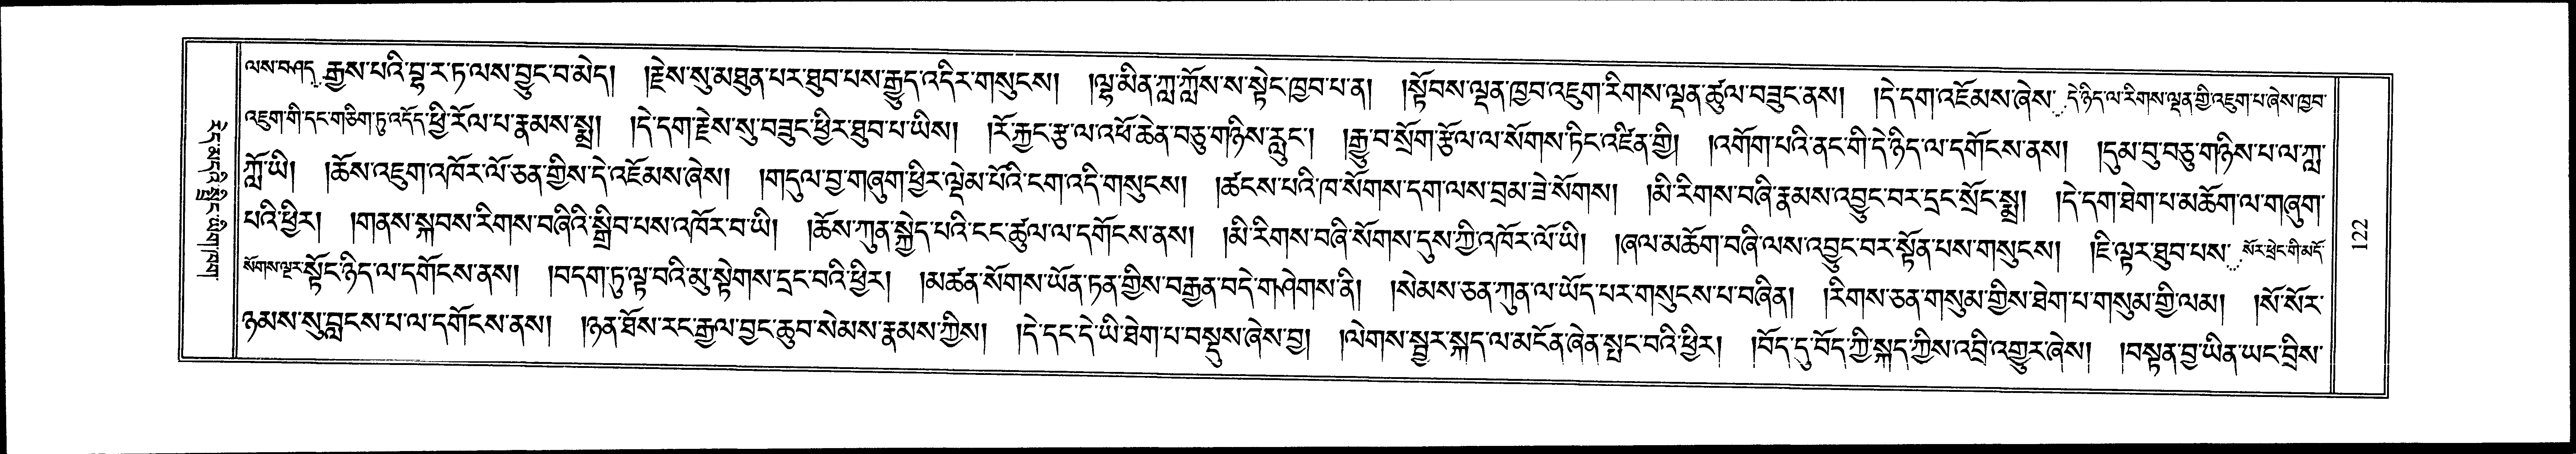ལས་བཤད་རྒྱས་པའི་བྷ་ར་ཏ་ལས་བྱུང་བ་མེད། །རྗེས་སུ་མཐུན་པར་ཐུབ་པས་རྒྱུད་འདིར་གསུངས། །ལྷ་མིན་ཀླ་ཀློས་ས་སྟེང་ཁྱབ་པ་ན། །སྟོབས་ལྡན་ཁྱབ་འཇུག་རིགས་ལྡན་ཚུལ་བཟུང་ནས། །དེ་དག་འཇོམས་ཞེས་དེ་ཉིད་ལ་རིགས་ལྡན་གྱི་འཇུག་པ་ཞེས་ཁྱབ་
འཇུག་གི་དང་གཅིག་ཏུ་འདོད་ཕྱི་རོལ་པ་རྣམས་སྨྲ། །དེ་དག་རྗེས་སུ་བཟུང་ཕྱིར་ཐུབ་པ་ཡིས། །རོ་རྐྱང་རྩ་ལ་འཕོ་ཆེན་བཅུ་གཉིས་རླུང་། །རྒྱུ་བ་སྲོག་རྩོལ་ལ་སོགས་ཏིང་འཛིན་གྱི། །འགོག་པའི་ནང་གི་དེ་ཉིད་ལ་དགོངས་ནས། །དུམ་བུ་བཅུ་གཉིས་པ་ལ་ཀླ་
ཀློ་ཡི། །ཆོས་འཇུག་འཁོར་ལོ་ཅན་གྱིས་དེ་འཇོམས་ཞེས། །གདུལ་བྱ་གཞུག་ཕྱིར་ལྡེམ་པོའི་ངག་འདི་གསུངས། །ཚང་པའི་ཁ་སོགས་དག་ལས་བྲམ་ཟེ་སོགས། །མི་རིགས་བཞི་རྣམས་འབྱུང་བར་དྲང་སྲོང་སྨྲ། །དེ་དག་ཐེག་པ་མཆོག་ལ་གཞུག་
པའི་ཕྱིར། །གནས་སྐབས་རིགས་བཞིའི་སྒྲིབ་པས་འཁོར་བ་ཡི། །ཆོས་ཀུན་སྐྱེད་པའི་ངང་ཚུལ་ལ་དགོངས་ནས། །མི་རིགས་བཞི་སོགས་དུས་ཀྱི་འཁོར་ལོ་ཡི། །ཞལ་མཆོག་བཞི་ལས་འབྱུང་བར་སྟོན་པས་གསུངས། །ཇི་ལྟར་ཐུབ་པས་སོར་ཕྲེང་གི་མདོ་
སོགས་ལྔར་སྟོང་ཉིད་ལ་དགོངས་ནས། །བདག་ཏུ་ལྟ་བའི་མུ་སྟེགས་དྲང་བའི་ཕྱིར། །མཚན་སོགས་ཡོན་ཏན་གྱིས་བརྒྱན་བདེ་གཤེགས་ནི། །སེམས་ཅན་ཀུན་ལ་ཡོད་པར་གསུངས་པ་བཞིན། །རིགས་ཅན་གསུམ་གྱིས་ཐེག་པ་གསུམ་གྱི་ལམ། །སོ་སོར་
ཉམས་སུ་བླངས་པ་ལ་དགོངས་ནས། །ཉན་ཐོས་རང་རྒྱལ་བྱང་ཆུབ་སེམས་རྣམས་ཀྱིས། །དེ་དང་དེ་ཡི་ཐེག་པ་བསྡུས་ཞེས་བྱ། །ལེགས་སྦྱར་སྐད་ལ་མངོན་ཞེན་སྤང་པའི་ཕྱིར། །བོད་དུ་བོད་ཀྱི་སྐད་ཀྱིས་འབྲི་འགྱུར་ཞེས། །བསྟན་བྱ་ཡིན་ཡང་བྲིས་